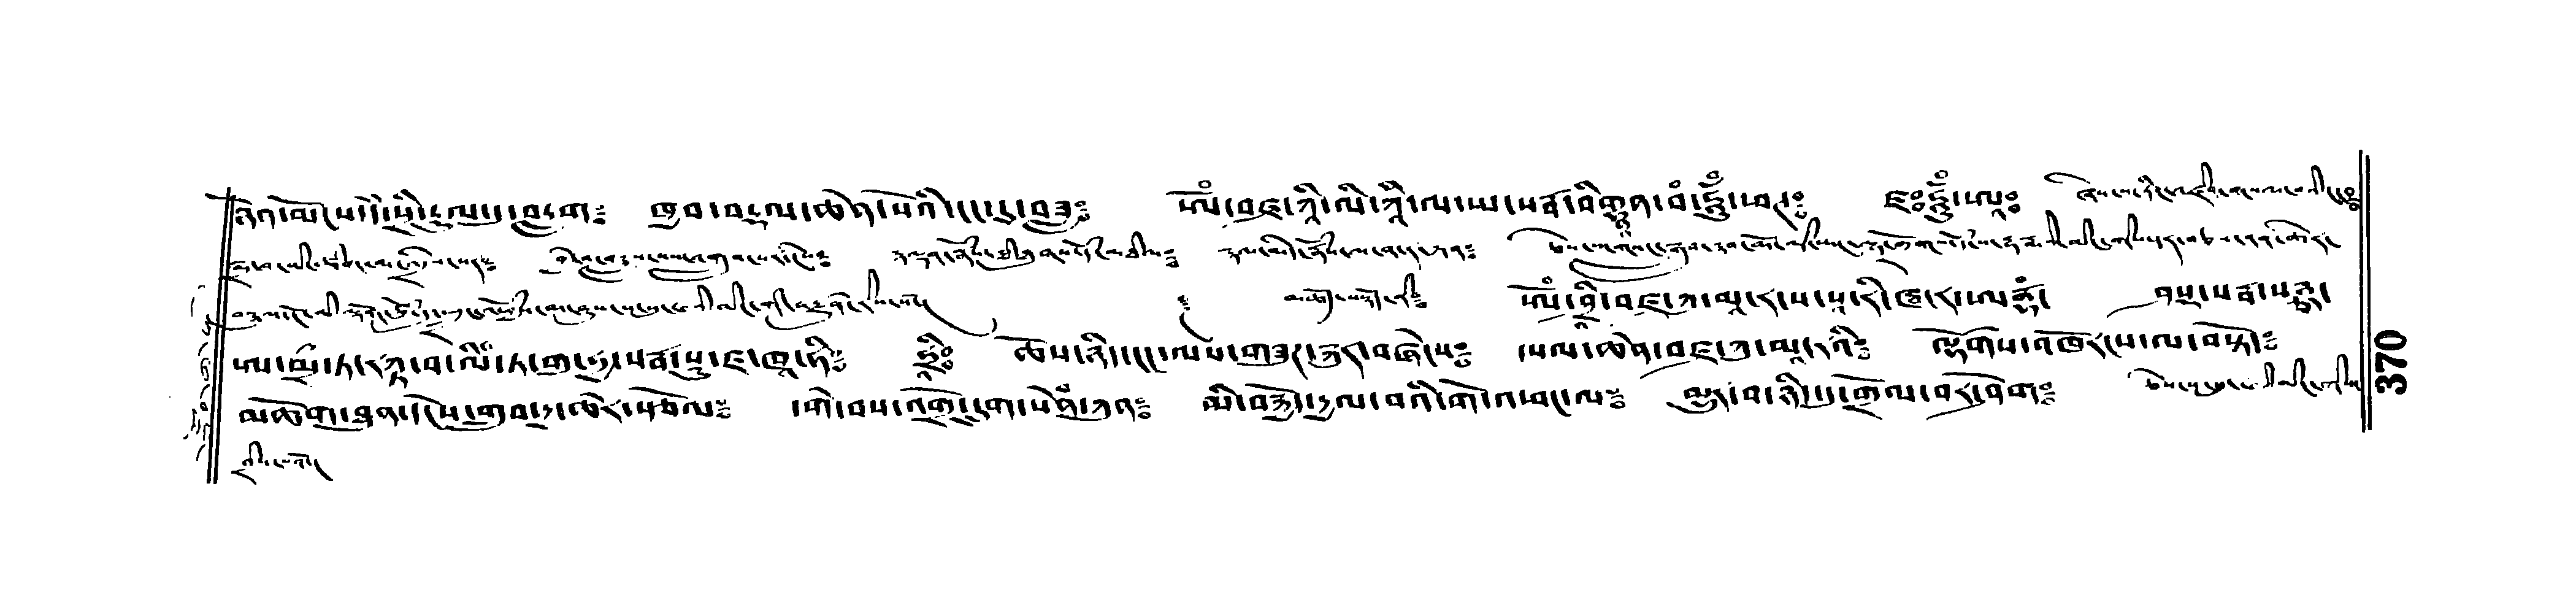ཉོན་མོངས་དམ་སྲི་རྡུལ་དུ་བརླག༔ ཁྱབ་བརྡལ་ཆེན་པོའི་ངང་དུབཟླ༔ ཨོཾ་བཛྲ་ཀཱི་ལི་ཀཱི་ལ་ཡ་སརྦ་བིགྷྣཱན་བཾ་ཧཱུྃ་ཕཊ༔ ཛཿཧཱུྃ་ཨཱཿ ཞེས་པ་ཏིང་འཛིན་གསལ་བའི་ངང༔ 
སྨྲ་བ་མི་ཚིག་མ་འདྲེས་པར༔ བྱེ་བ་བཟླས་པས་འགྲུབ་པར་ངེས༔ སྐལ་ལྡན་རྣམས་ཀྱི་ཐུགས་དམ་མཐིལ༔ སྐལ་མེད་རྣམས་ལ་ན་ར་ཀན༔ ཅེས་པ་གསང་སྒྲུབ་ཟབ་མོ་འདི་ཡང་ལྷ་གྲོགས་དམ་པ་དྷརྨའི་མིང་གིས་དར་བཅས་ནན་ཆེར་
བསྐུལ་ངོ་མ་ལྡོག་ཙམ་དུ་སྤྲང་འཁྱམས་མ་ནུས་པ་སུ་ཁའི་མིང་གི་བརྫུན་རིས་སོ།། ༈ མཆོད་བསྟོད་ནི༔ ཨོཾ་ཤྲཱི་བཛྲ་ཀུ་མཱ་ར་ས་པཱ་རི་ཝ་ར་ཨརྒྷཾ༴ ཤཔྡ་སརྦ་པཉྩ་
ཨ་མྲྀ་ཏ་རཀྟ་བ་ལིཾ་ཏ་གུ་ཧྱ་སརྦ་པཱུ་ཛ་ཁཱ་ཧི༔ ཧྲཱིཿ ཆོས་ཉིད་ངང་ལས་གཟུགས་སྐུར་བཞེངས༔ དཔལ་ཆེན་བཛྲ་ཀུ་མཱ་རའི༔ ལྷ་ཚོགས་འཁོར་དང་བཅས་ལ་བསྟོད༔ 
མཆོག་ཐུན་དངོས་གྲུབ་རྒྱ་ཆེར་སྩོལ༔ དགེ་བས་འགྲོ་དྲུག་སེམས་ཅན་ཀུན༔མི་བསྐྱོད་རྒྱལ་བའི་གོ་འཕང་ལ༔ མྱུར་བ་ཉིད་དུ་གྲོལ་བར་ཤོག༔ ཅེས་པ་སུ་ཁའི་མིང་གིས་
བྲིས་པའོ།།